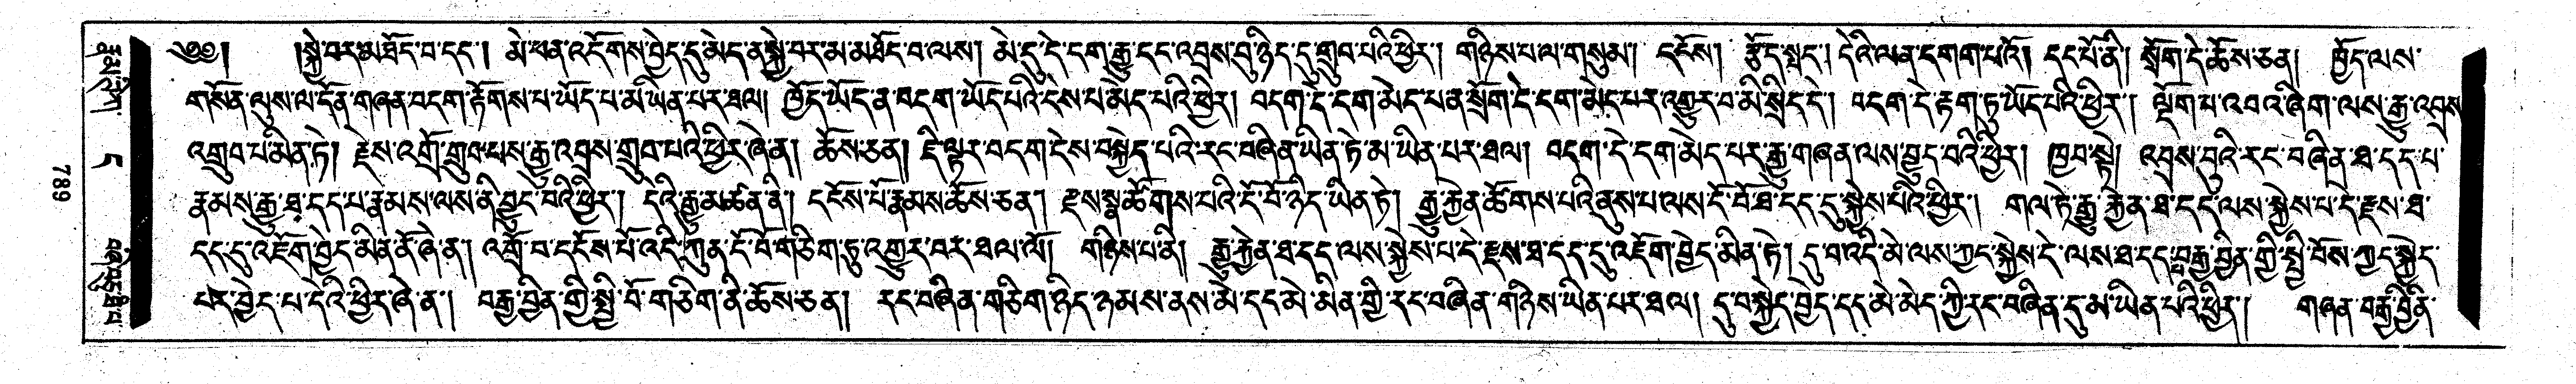༄༅། །སྐྱེ་བར་མཐོང་བ་དང་། མེ་ཕན་འདོགས་བྱེད་དུ་མེད་ན་སྐྱེ་བར་མ་མཐོང་བ་ལས། མེ་དུ་དེ་དག་རྒྱུ་དང་འབྲས་བུ་ཉིད་དུ་གྲུབ་པའི་ཕྱིར། གཉིས་པ་ལ་གསུམ། དངོས། རྩོད་སྤངས། དེའི་ལན་དགག་པའོ། དང་པོ་ནི། སྲོག་དེ་ཆོས་ཅན། ཁྱོད་ལས་
གསོན་ལུས་ལ་དོན་གཞན་བདག་རྟོགས་པ་ཡོད་པ་མ་ཡིན་པར་ཐལ། ཁྱོད་ཡོད་ན་བདག་ཡོད་པའི་ངེས་པ་མེད་པའི་ཕྱིར། བདག་དེ་དག་མེད་པ་ན་སྲོག་དེ་དག་མེད་པར་འགྱུར་བ་མི་སྲིད་དེ། བདག་དེ་རྟག་ཏུ་ཡོད་པའི་ཕྱིར། ལྡོག་པ་འབའ་ཞིག་ལས་རྒྱུ་འབྲས་
འགྲུབ་པ་མིན་ཏེ། རྗེས་འགྲོ་གྲུབ་པས་རྒྱུ་འབྲས་གྲུབ་པའི་ཕྱིར་ཞེ་ན། ཆོས་ཅན། ཇི་ལྟར་བདག་དེས་བསྐྱེད་པའི་རང་བཞིན་ཡིན་ཏེ་མ་ཡིན་པར་ཐལ། བདག་དེ་དག་མེད་པར་རྒྱུ་གཞན་ལས་བྱུང་བའི་ཕྱིར། ཁྱབ་སྟེ། འབྲས་བུའི་རང་བཞིན་ཐ་དད་པ་
རྣམས་རྒྱུ་ཐ་དད་པ་རྣམས་ལས་ནི་བྱུང་བའི་ཕྱིར། དེའི་རྒྱུ་མཚན་ནི། དངོས་པོ་རྣམས་ཆོས་ཅན། རྫས་སྣ་ཚོགས་པའི་ངོ་བོ་ཉིད་ཡིན་ཏེ། རྒྱུ་རྐྱེན་ཚོགས་པའི་ནུས་པ་ལས་ངོ་བོ་ཐ་དད་དུ་སྐྱེས་པའི་ཕྱིར། གལ་ཏེ་རྒྱུ་རྐྱེན་ཐ་དད་ལས་སྐྱེས་པ་དེ་རྫས་ཐ་
དད་དུ་འཇོག་བྱེད་མིན་ནོ་ཞེ་ན། འགྲོ་བ་དངོས་པོ་འདི་ཀུན་ངོ་བོ་གཅིག་ཏུ་འགྱུར་བར་ཐལ་ལོ། གཉིས་པ་ནི། རྒྱུ་རྐྱེན་ཐ་དད་ལས་སྐྱེས་པ་དེ་རྫས་ཐ་དད་དུ་འཇོག་བྱེད་མིན་ཏེ། དུ་བ་འདི་མེ་ལས་ཀྱང་སྐྱེས་དེ་ལས་ཐ་དད་པ་བརྒྱ་བྱིན་གྱི་སྤྱི་བོས་ཀྱང་སྐྱེད་
པར་བྱེད་པ་དེའི་ཕྱིར་ཞེ་ན། བརྒྱ་བྱིན་གྱི་སྤྱི་བོ་གཅིག་ནི་ཆོས་ཅན། རང་བཞིན་གཅིག་ཉིད་ཉམས་ནས་མེ་དང་མེ་མིན་གྱི་རང་བཞིན་གཉིས་ཡིན་པར་ཐལ། དུ་བསྐྱེད་བྱེད་དད་མེ་མེད་ཀྱི་རང་བཞིན་དུ་མ་ཡིན་པའི་ཕྱིར། གཞན་བརྒྱ་བྱི་ནི་